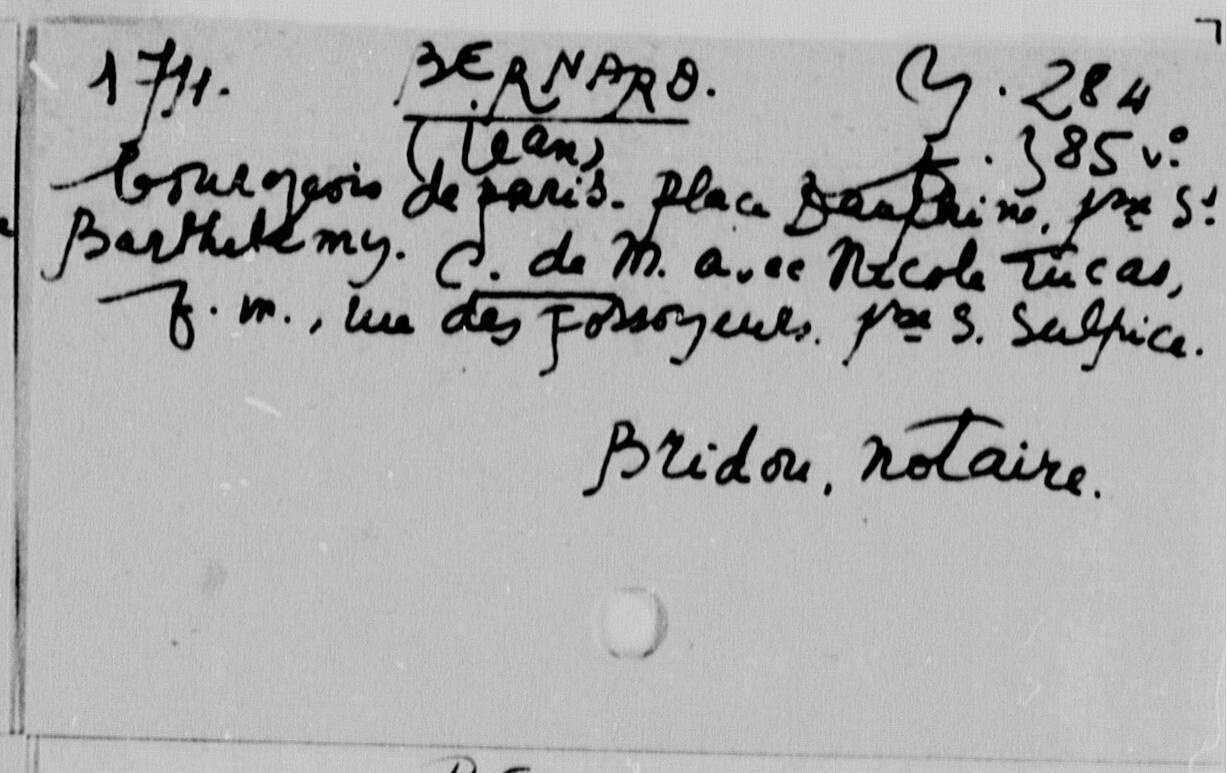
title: BERNARD (Jean)
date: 1711
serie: Y
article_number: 284
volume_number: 385v
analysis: bourgeois de Paris, Place Dauphine, paroisse Saint Barthélemy. Contrat de mariage avec Nicole Lucas, fille majeure, rue des Fossoyeurs, paroisse Saint-Sulpice Bridou, notaire
